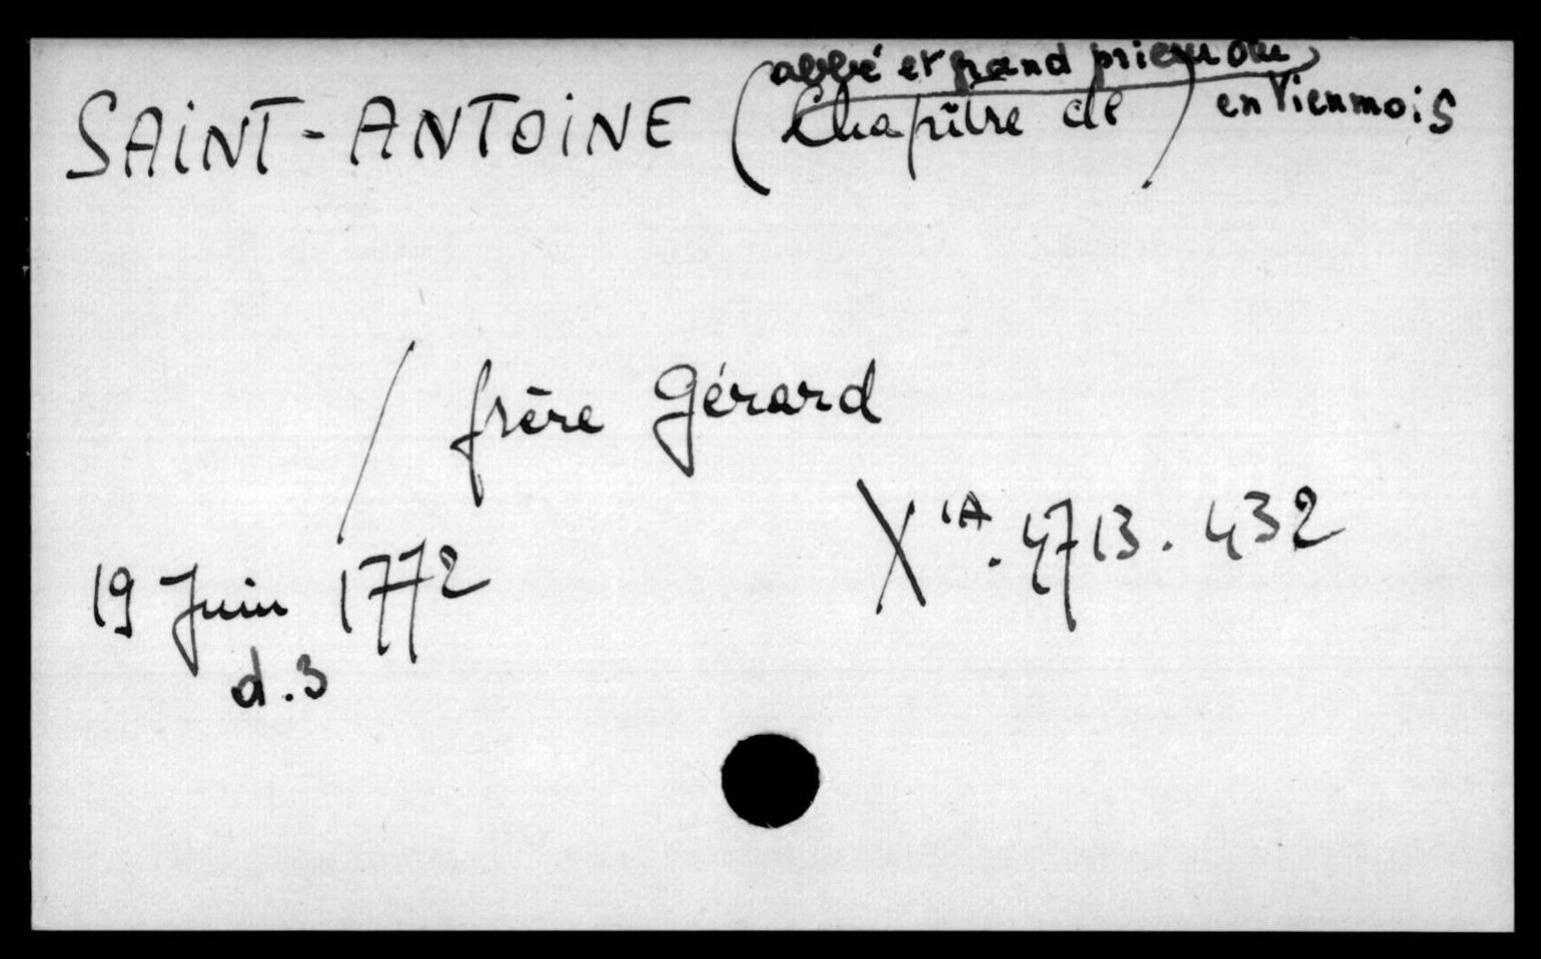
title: SAINT-ANTOINE (abbé et grand prieur du chapitre de), en Viennois
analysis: Contre frère Gérard
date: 19 juin 1772
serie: X1A
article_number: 4713
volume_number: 432
